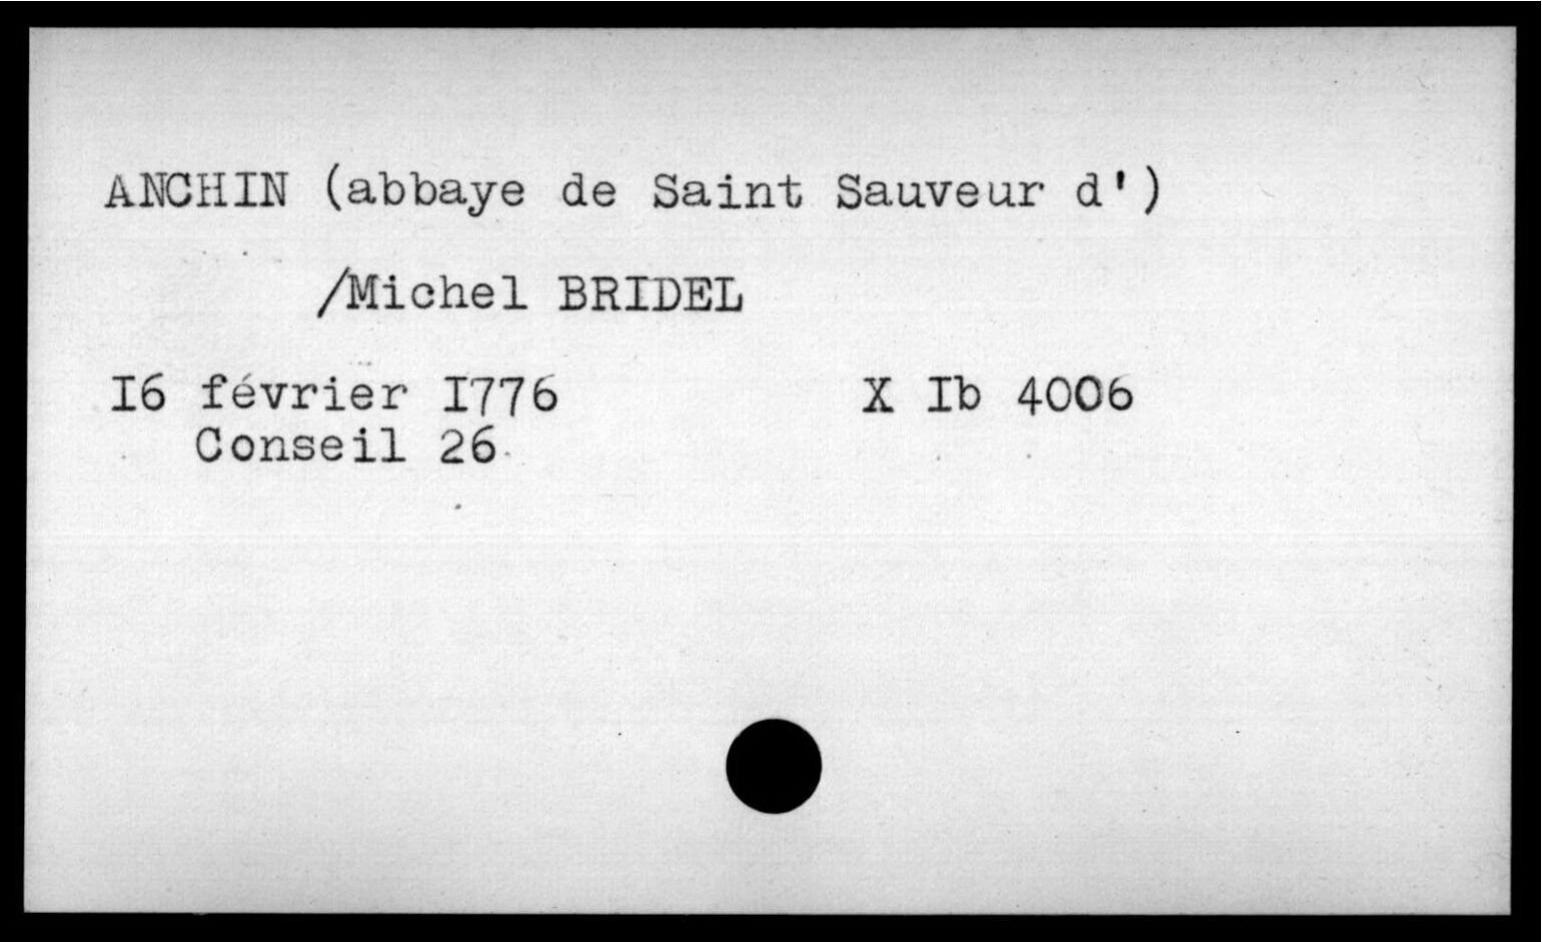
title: ANCHIN (abbaye de Saint Sauveur d')
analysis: Contre Michel BRIDEL
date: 16 février 1776
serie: X1b
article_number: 4006
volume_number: Conseil 26
